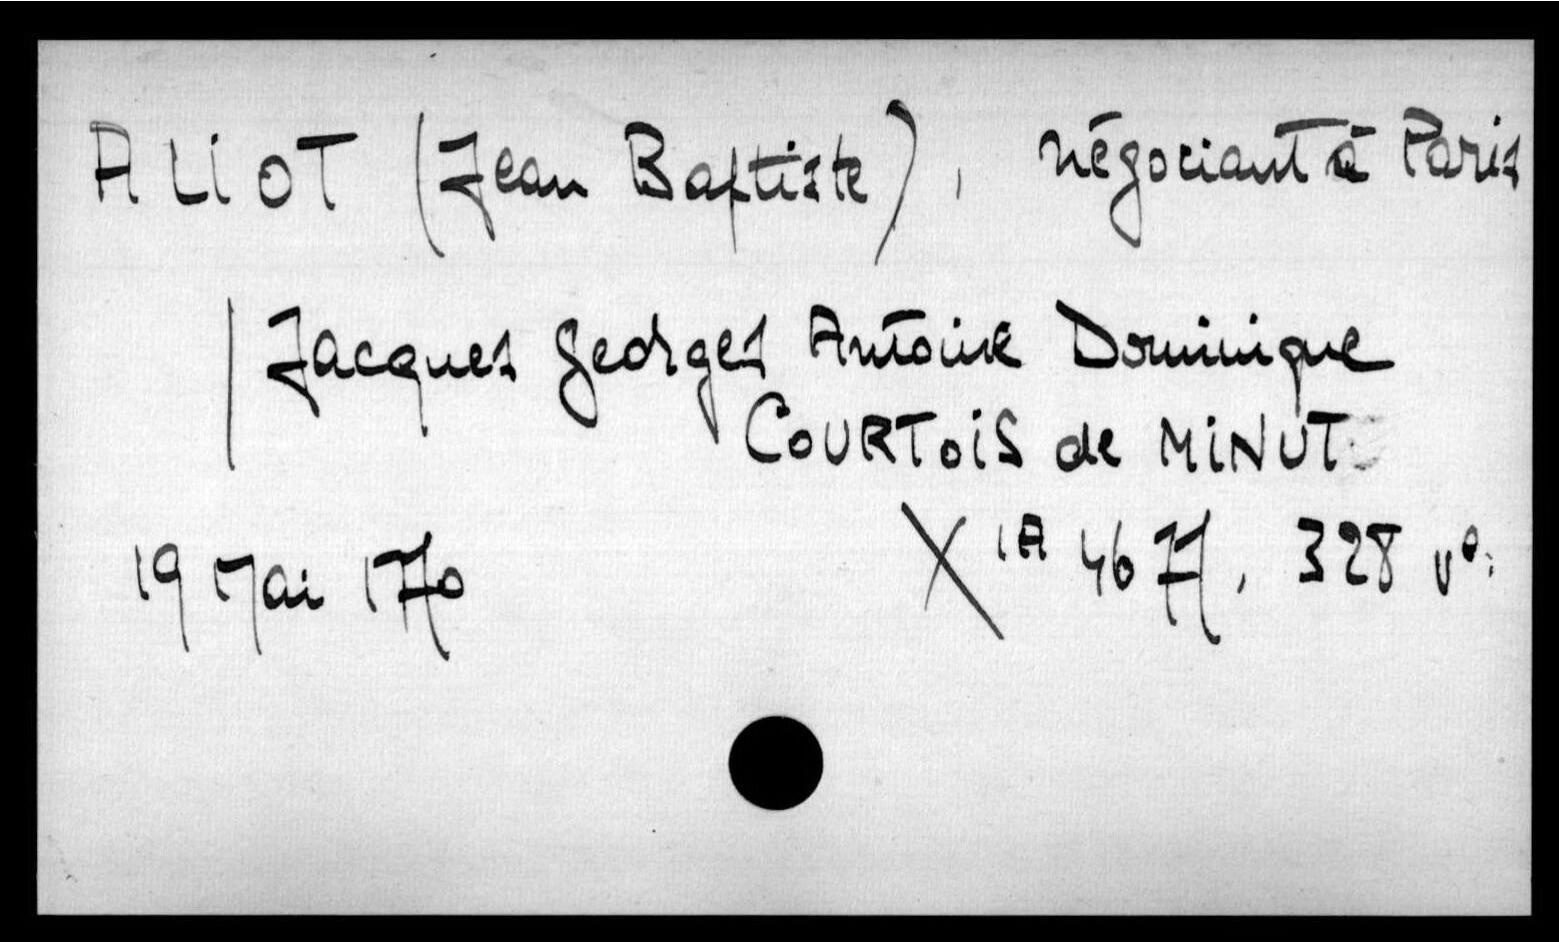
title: ALIOT (Jean Baptiste), négociant à Paris
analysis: Contre Jacques Georges Antoine Dominique COURTOIS de MINUT
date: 19 mai 1770
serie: X1A
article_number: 4677
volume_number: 328v
